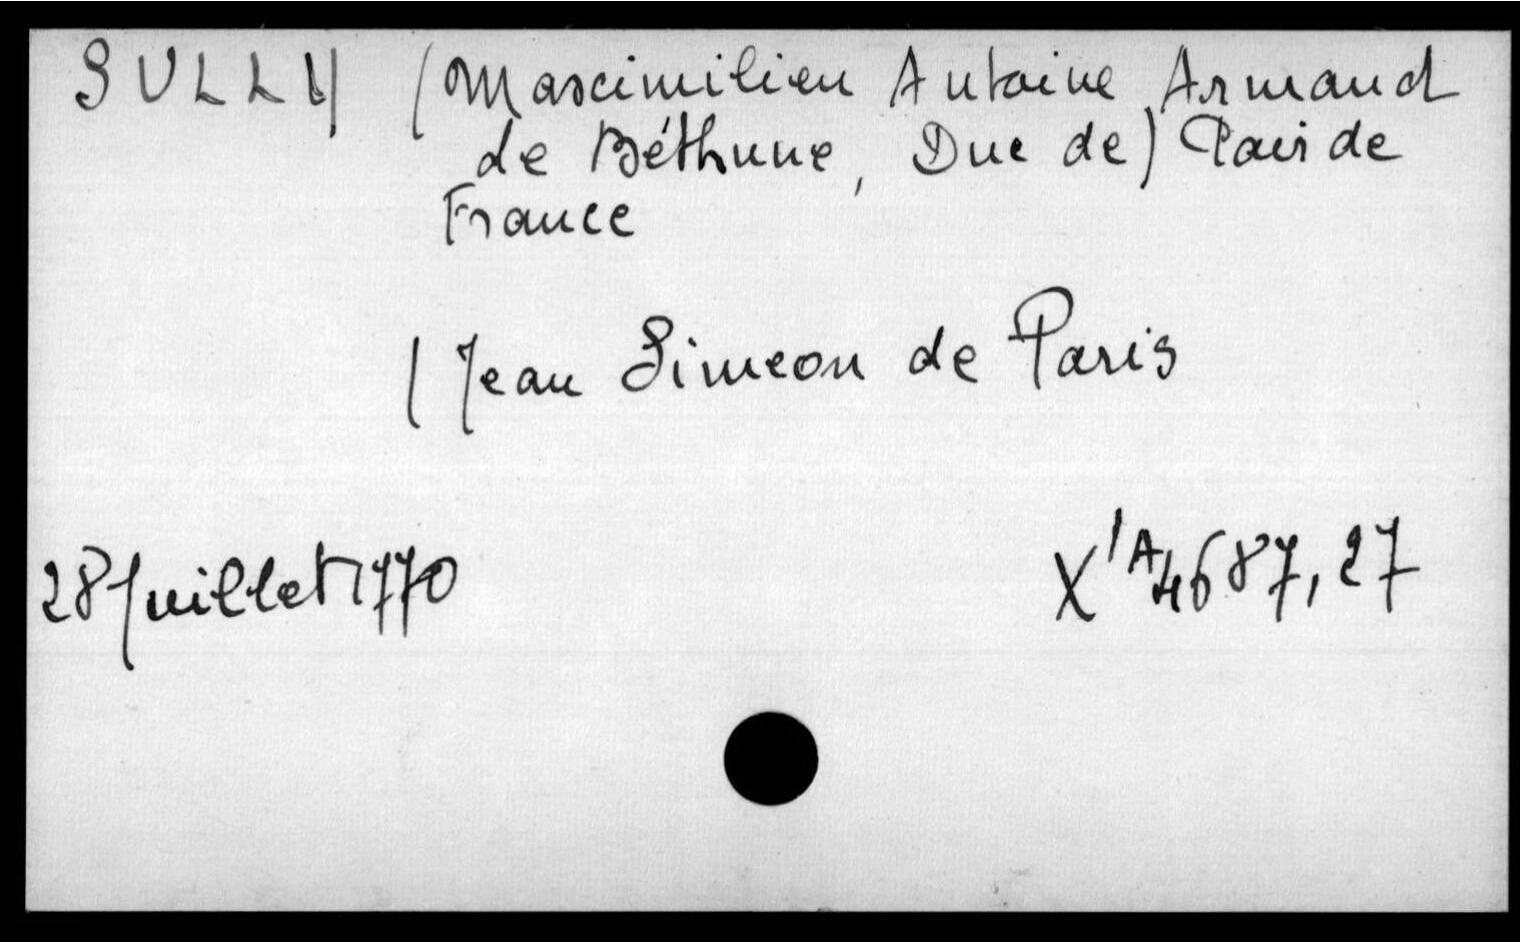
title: SULLY (Maximilien Antoine Armand de Béthune, Duc de) Pair de France
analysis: Contre Jean Simeon de Paris
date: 28 juillet 1770
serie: X1A
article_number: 4687
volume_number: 27
